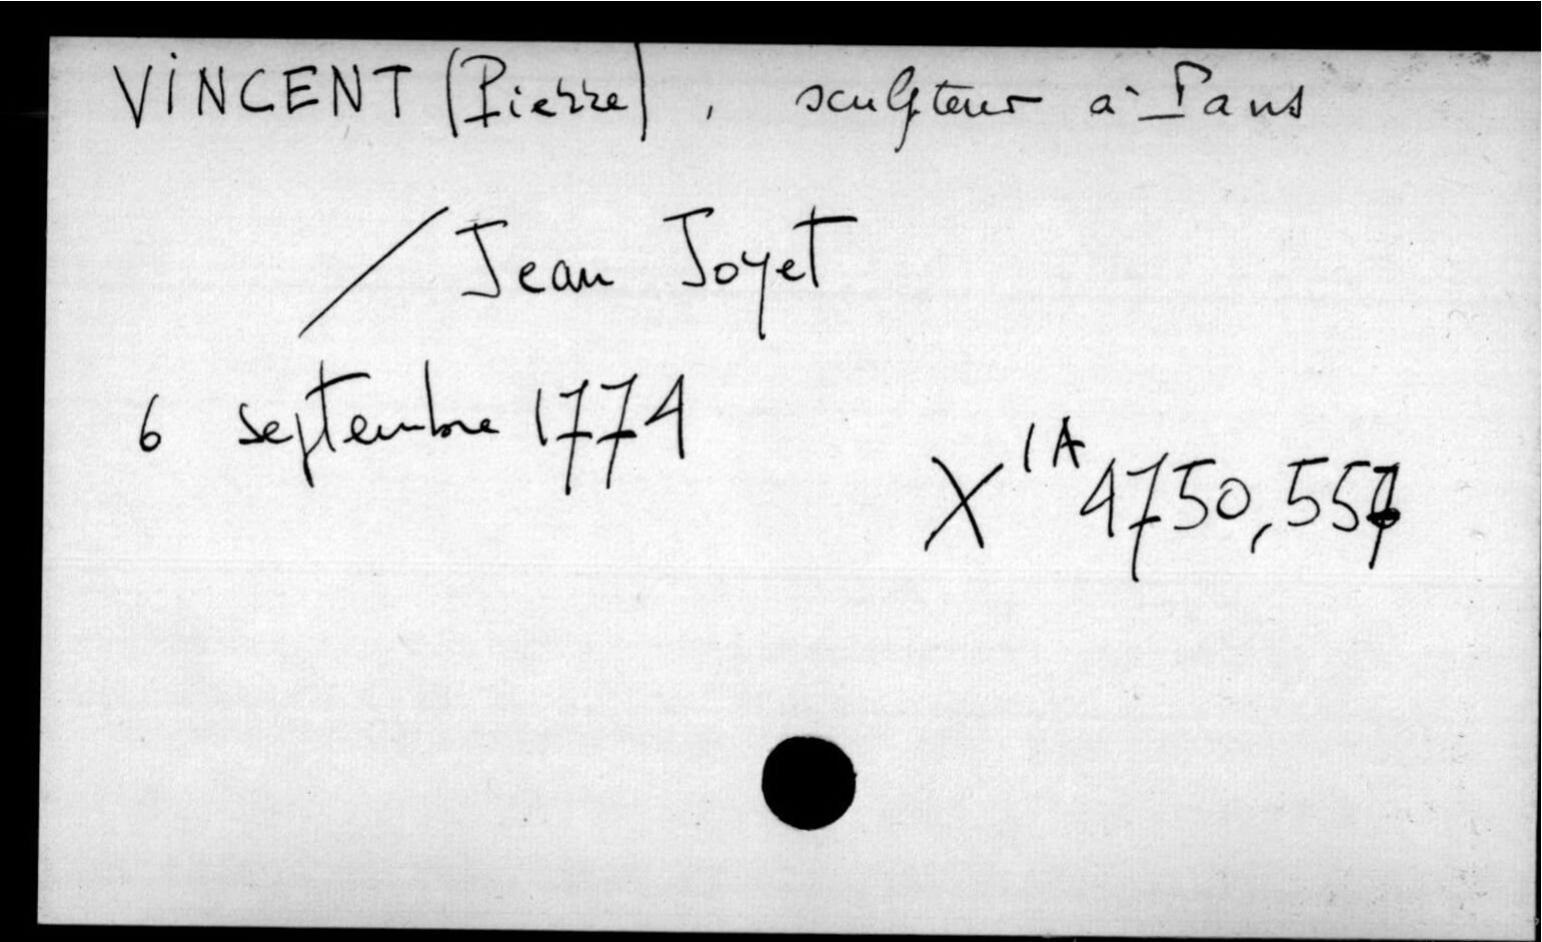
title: VINCENT (Pierre), sculpteur à Paris
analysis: Contre Jean Joyet
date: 6 septembre 1774
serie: X1A
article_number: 4750
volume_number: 557
